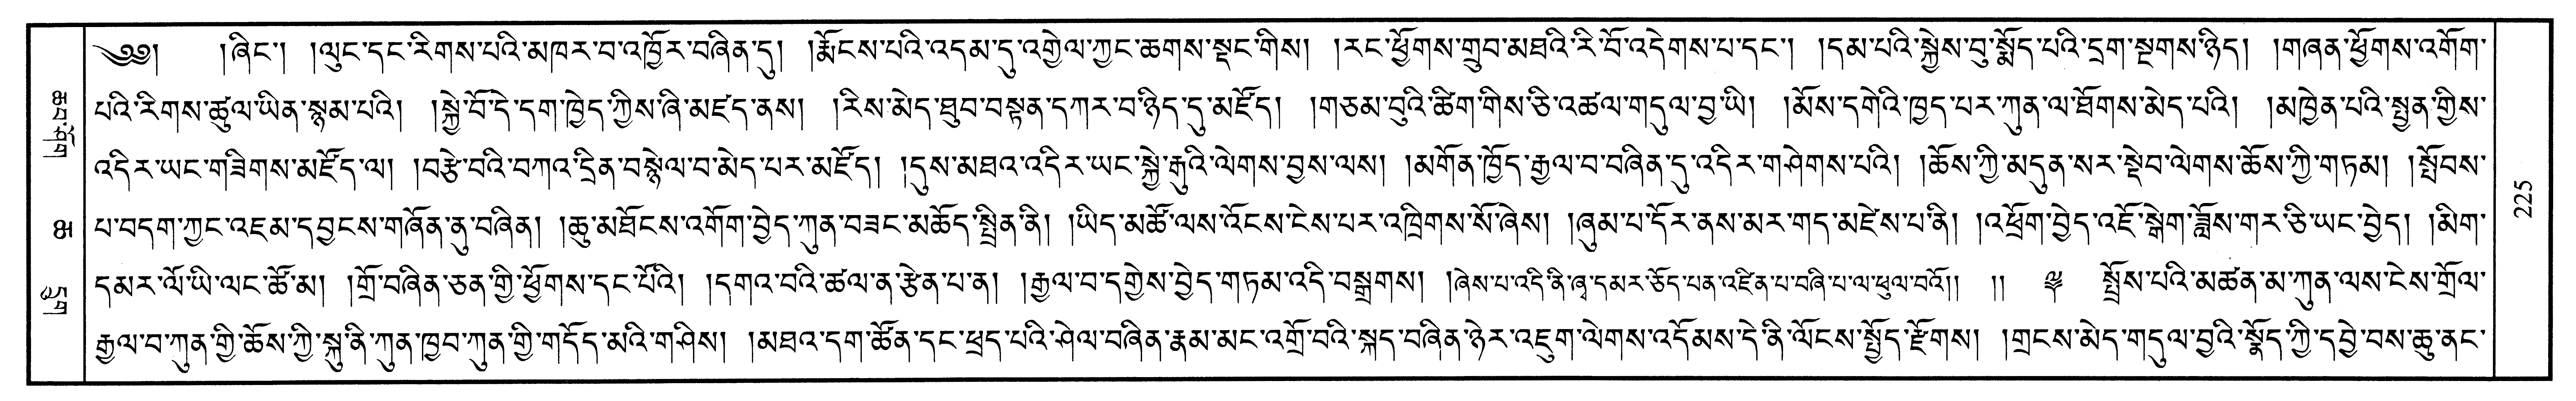༄༅། །ཞིང་། །ལུང་དང་རིགས་པའི་མཁར་བ་འཁྱོར་བཞིན་དུ། །རྨོངས་པའི་འདམ་དུ་འགྱེལ་ཀྱང་ཆགས་སྡང་གིས། །རང་ཕྱོགས་གྲུབ་མཐའི་རི་བོ་འདེགས་པ་དང་། །དམ་པའི་སྐྱེས་བུ་སྨོད་པའི་དྲག་སྔགས་ཉིད། །གཞན་ཕྱོགས་འགོག་
པའི་རིགས་ཚུལ་ཡིན་སྙམ་པའི། །སྐྱེ་བོ་དེ་དག་ཁྱེད་ཀྱིས་ཞི་མཛད་ནས། །རིས་མེད་ཐུབ་བསྟན་དཀར་བ་ཉིད་དུ་མཛོད། །གཅམ་བུའི་ཚིག་གིས་ཅི་འཚལ་གདུལ་བྱ་ཡི། །མོས་དགེའི་ཁྱད་པར་ཀུན་ལ་ཐོགས་མེད་པའི། །མཁྱེན་པའི་སྤྱན་གྱིས་
འདིར་ཡང་གཟིགས་མཛོད་ལ། །བརྩེ་བའི་བཀའ་དྲིན་བསྙེལ་བ་མེད་པར་མཛོད། །དུས་མཐའ་འདིར་ཡང་སྐྱེ་རྒུའི་ལེགས་བྱས་ལས། །མགོན་ཁྱོད་རྒྱལ་བ་བཞིན་དུ་འདིར་གཤེགས་པའི། །ཆོས་ཀྱི་མདུན་སར་སྡེབ་ལེགས་ཆོས་ཀྱི་གཏམ། །སྤོབས་
པ་བདག་ཀྱང་འཇམ་དབྱངས་གཞོན་ནུ་བཞིན། །ཆུ་མཐོངས་འགོག་བྱེད་ཀུན་བཟང་མཆོད་སྤྲིན་ནི། །ཡིད་མཚོ་ལས་འོངས་ངེས་པར་འཁྲིགས་སོ་ཞེས། །ཞུམ་པ་དོར་ནས་མར་གད་མཛེས་པ་ནི། །འཕྲོག་བྱེད་འཇོ་སྒེག་ཟློས་གར་ཅི་ཡང་བྱེད། །མིག་
དམར་ལོ་ཡི་ལང་ཚོ་མ། །གྲོ་བཞིན་ཅན་གྱི་ཕྱོགས་དང་པོའི། །དགའ་བའི་ཚལ་ན་རྩེན་པ་ན། །རྒྱལ་བ་དགྱེས་བྱེད་གཏམ་འདི་བསྒྲགས། །ཞེས་པ་འདི་ནི་ཞྭ་དམར་ཅོད་པན་འཛིན་པ་བཞི་པ་ལ་ཕུལ་བའོ།། །། ༈ སྤྲོས་པའི་མཚན་མ་ཀུན་ལས་ངེས་གྲོལ་
རྒྱལ་བ་ཀུན་གྱི་ཆོས་ཀྱི་སྐུ་ནི་ཀུན་ཁྱབ་ཀུན་གྱི་གདོད་མའི་གཤིས། །མཐའ་དག་ཚོན་དང་ཕྲད་པའི་ཤེལ་བཞིན་རྣམ་མང་འགྲོ་བའི་སྐད་བཞིན་ཉེར་འཇུག་ལེགས་འདོམས་དེ་ནི་ལོངས་སྤྱོད་རྫོགས། །གྲངས་མེད་གདུལ་བྱའི་སྣོད་ཀྱི་དབྱེ་བས་ཆུ་ནང་